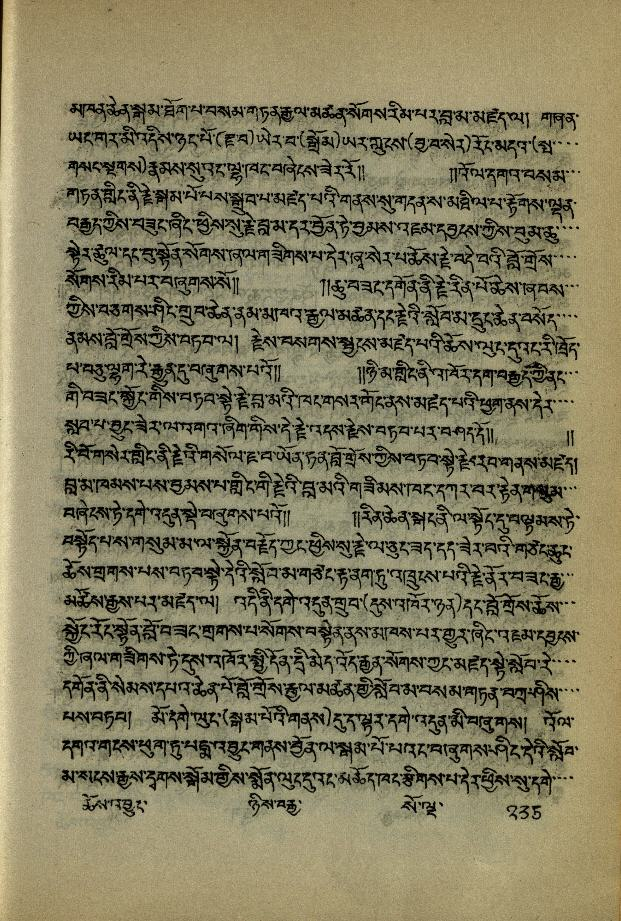མཁན་ཆེན་སྒམ་ཐོག་པ་བསམ་གཏན་རྒྱལ་མཚན་སོགས་རིམ་པར་བླ་མ་མཛད་ལ། གཞན་
ཡང་གར་མི་འདིས་ཉང་པོ་རྫ་བ་ཡེར་བ་སྒྲོམ་ཡར་ཀླུངས་བྱ་བ་སེར་རོང་མདའ་སྤ་
གསང་སྔགས་རྣམས་སུ་འང་ལྷ་ཁང་བཞེངས་ཟེར་རོ།། །།འོལ་དགའ་བསམ་
གཏན་གླིང་ནི་རྗེ་སྒམ་པོ་པས་སྒྲུབ་པ་མཛད་པའི་གནས་སུ་གདན་ས་མཐིལ་པ་རྟོགས་ལྡན་
བརྒྱད་ཀྱིས་བཟུང་ཞིང་ཕྱིས་སུ་རྗེ་བླ་མ་དར་བྱོན་ཏེ་བྱམས་འཇམ་དབྱངས་ཀྱིས་བུམ་ཆུ་
སྟེར་ཚུལ་དང་བུ་སྟོན་སོགས་ཞལ་གཟིགས་པ་དེར་ཞྭ་སེར་པ་ཆོས་རྗེ་བདེ་བའི་བློ་གྲོས་
སོགས་རིམ་པར་བཞུགས་སོ།། །།ཆུ་བཟང་དགོན་ནི་རྗེ་རིན་པོ་ཆེས་ཞབས་
ཀྱིས་བཅགས་ཤིང་གྲུབ་ཆེན་ནམ་མཁའ་རྒྱལ་མཚན་དང་རྗེའི་སློབ་མ་དྲུང་ཆེན་བསོད་
ནམས་བློ་གྲོས་ཀྱིས་བཏབ་ལ། རྗེས་བསགས་སྦྱངས་མཛད་པའི་ཆོས་ལུང་དུའང་རི་ཁྲོད་
པ་བཅུ་ལྷག་རེ་རྒྱུན་དུ་བཞུགས་པའོ།། །།ཉི་མ་གླིང་ནི་འཁོར་དག་བརྒྱད་ཀྱི་ནང་
གི་བཟང་སྐྱོང་གིས་བཏབ་སྟེ་རྗེ་བླ་མའི་ཁང་གསར་གོང་ནས་མཛད་པའི་ཕྱག་ནས་དེར་
སླབ་པ་བྱུང་ཟེར་ལ་འགའ་ཞིག་གིས་དེ་རྗེ་འདས་རྗེས་བཏབ་པར་བཤད་དོ།། །།
རི་བོ་གསེར་གླིང་ནི་རྗེའི་གསོལ་ཇ་བ་ཡོན་ཏན་བློ་གྲོས་ཀྱིས་བཏབ་སྟེ་རྗེ་རབ་གནས་མཛད།
བླ་མ་ཁམས་པས་བྱམས་པ་གླིང་གི་རྗེའི་བླ་མའི་གཟིམས་ཁང་དཀར་བར་རྟེན་གསུམ་
བཞེངས་ཏེ་དགེ་འདུན་སྡེ་བཞུགས་པའོ།། །།རིན་ཆེན་སྒང་ནི་ལ་སྟོད་དུ་བལྟམས་ཏེ་
བསྟོད་པ་ས་གསུམ་མ་ལ་སྐྱོན་བརྗོད་ཀྱང་ཕྱིས་སུ་རྗེ་ལ་ཅུང་ཟད་དད་ཟེར་བའི་གཙང་ཆུང་
ཆོས་གྲགས་པས་བཏབ་སྟེ་དེའི་སློབ་མ་གཙང་རྟ་ནག་ཏུ་འཁྲུངས་པའི་རྗེ་ནོར་བཟང་རྒྱ་
མཚོས་རྒྱས་པར་མཛད་ལ། འདི་ནི་དགེ་འདུན་གྲུབ་དུས་འཁོར་ཉན་དང་བློ་གྲོས་ཆོས་
སྐྱོང་རོང་སྟོན་བློ་བཟང་གྲགས་པ་སོགས་བསྟེན་ནས་མཁས་པར་གྱུར་ཞིང་འཇམ་དབྱངས་
ཀྱི་ཞལ་གཟིགས་ཏེ་དུས་འཁོར་སྤྱི་དོན་དྲི་མེད་འོད་རྒྱན་སོགས་ཀྱང་མཛད་སྟེ་སློབ་རེ་
དགོན་ནི་སེམས་དཔའ་ཆེན་པོ་བློ་གྲོས་རྒྱལ་མཚན་གྱི་སློབ་མ་བསམ་གཏན་བཀྲ་ཤིས་
པས་བཏབ། མོ་དགེ་ལུང་སྒམ་པོའི་གནས་དུ་ད་ལྟར་དགེ་འདུན་མི་བཞུགས། འོལ་
དགའ་གངས་ཕུག་ཏུ་པདམ་འབྱུང་གནས་བྱོན་ལ་སྒམ་པོ་པའང་བཞུགས་ཤིང་དེའི་སློབ་
མ་སངས་རྒྱས་དྭགས་སྒོམ་གྱིས་སྨོན་ལུང་དུ་འང་མཆོད་ཁང་རྩིགས་པ་དེར་ཕྱིས་སུ་དགེ་